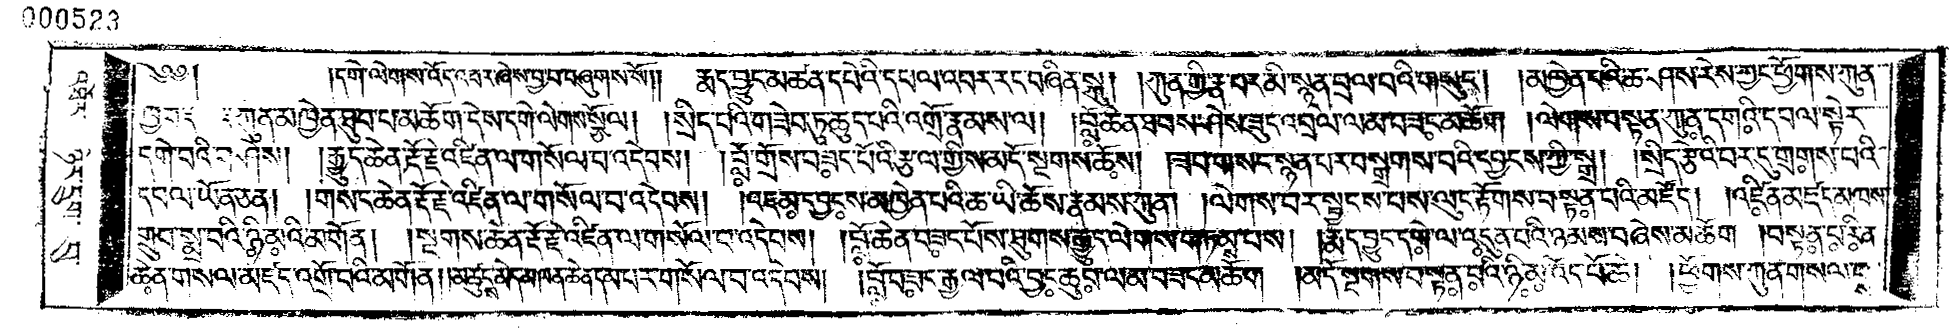༄༅། ། དགེ་ལེགས་འོད་འབར་ཞེས་བྱ་བ་བཞུགས་སོ།།  རྨད་བྱུང་མཚན་དཔེའི་དཔལ་འབར་རང་བཞིན་སྐུ། །ཀུན་གྱི་རྣ་བར་མི་སྙན་བྲལ་བའི་གསུང་། །མཁྱེན་པའི་ཆ་ཤས་རེས་ཀྱང་ཕྱོགས་ཀུན་
ཁྱབ༑ ༑ཀུན་མཁྱེན་ཐུབ་པ་མཆོག་དེས་དགེ་ལེགས་སྩོལ། །སྲིད་པའི་གཟེབ་ཏུ་ཆུད་པའི་འགྲོ་རྣམས་ལ། །བློ྾་ཆེན་ཐབས་ཤེས་ཟུང་འབྲེལ་ལམ་བཟང྾་མཆོག །ལེགས་བསྟན་ཀུན྾་དགའི྾་དཔལ་སྟེར་
དགེ་བའི་བཤེས། །རྒྱུད་ཆེན་རྡོ་རྗེ་འཛིན་ལ་གསོལ་བ་འདེབས། །བློ྾་གྲོས་བཟང྾་པོའི་རྩལ་གྱིས་མདོ་སྔགས་ཆོས྾། །ཟབ་གསང་སྙན་པར་བསྒྲགས་པའི་དབྱངས་ཀྱི་སྒྲ། །སྲིད་རྩེའི་བར་དུ་གྲགས྾་པའི་
དཔལ་ཡོན་ཅན། །གསང་ཆེན་རྡོ་རྗེ་འཛིན་ལ་གསོལ་བ་འདེབས། །འཇམ྾་དབྱངས྾་མཁྱེན་པའི་ཆ་ཡི་ཆོས་རྣམས་ཀུན། །ལེགས་པར་སྦྱངས་པས་ལུང་རྟོགས་བསྟན྾་པའི་མཛོད། །འཛིན྾་མཛད་མཁས་
གྲུབ་སྨྲ་བའི་ཉི྾་མའི྾་མགོན། །སྔགས་ཆེན་རྡོ་རྗེ་འཛིན་ལ་གསོལ་བ་འདེབས། །བློ྾་ཆེན་བཟང྾་པོས་ཐུགས་རྒྱུད་ལེགས་གཏམས་པས། །རྨད་བྱུང་དགེ྾་ལ་འདུན྾་པའི་ཉམས་བཞེས་མཆོག །བསྟན྾་པ྾་རིན྾་
ཆེན྾་གསལ་མཛད་འགྲོ་བའི་མགོན། །མཚུངས་མེད་མཁན་ཆེན་དམ་པར་གསོལ་བ་འདེབས། །བློ྾་བཟང྾་རྒྱལ་བའི་བྱང྾་ཆུབ྾་ལམ་བཟང་མཆོག །མདོ་སྔགས་བསྟན྾་པའི྾་ཉི྾་མ྾་འོད་པོ་ཆེ། །ཕྱོགས་ཀུན་གསལ་བས་